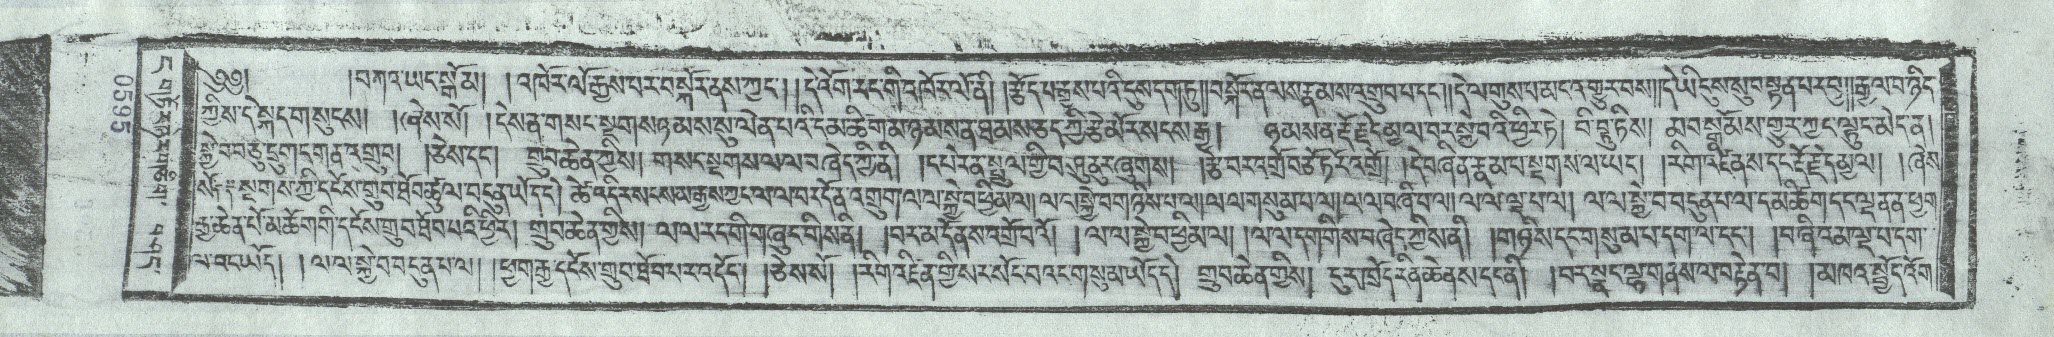༄༅། །བཀའ་ཡང་སྒོམ། །འཁོར་ལོ་རྒྱས་པར་བསྐོར་ནས་ཀྱང་། །དེ་འོག་རང་གི་འཁོར་ལོ་ནི། །རྩོད་པ་རྒྱས་པའི་དུས་དག་ཏུ། །བསྐོར་ན་ལས་རྣམས་འགྲུབ་པ་དང་། །དེ་ལ་གུས་པ་མང་འགྱུར་བས། །དེ་ཡི་དུས་སུ་བསྟན་པར་བྱ། །རྒྱལ་བ་ཉིད་
ཀྱིས་དེ་སྐད་གསུངས། །ཞེས་སོ། །དེས་ན་གསང་སྔགས་ཉམས་སུ་ལེན་པའི་དམ་ཚིག་མ་ཉམས་ན་ཐམས་ཅད་ཀྱི་རྩེ་མོར་སངས་རྒྱ། ཉམས་ན་རྡོ་རྗེ་དམྱལ་བར་སྐྱེ་བའི་ཕྱིར་ཏེ། བི་བཏུ་ཏིས། མ་བསྒོམས་གྱུར་ཀྱང་ལྟུང་མེད་ན།
སྐྱེ་བ་བཅུ་དྲུག་དག་ན་འགྲུབ། །ཅེས་དང་། གྲུབ་ཆེན་ཀྱིས། གསང་སྔགས་ལལ་བཞེད་ཀྱི་ནི། །དཔེར་ན་སྒྲུལ་གྱི་བཤུ་ནར་ཞུགས། །རྩེ་བར་འགྲོ་བཅོ་ཏོར་འགྲོ། །དེ་བཞིན་རྣམ་པ་སྔགས་ལ་ཡང་། །རིགས་འཛིན་ས་དང་རྡོ་རྗེ་དམྱལ། །ཞེས་
སོ༑ ༑སྔགས་ཀྱི་དངོས་གྲུབ་ཐོབ་ཚུལ་བདུན་ཡོ་དང་། ཚེ་འདིར་སངས་མ་རྒྱས་ཀྱང་ལ་ལ་བར་དོན་འགྲུག་ལ་ལ་སྐྱེ་བ་ཕྱི་མ་ལ། ལ་ལ་སྐྱེ་བ་གཉིས་པ་ལ། ལ་ལ་གསུམ་པ་ལ། ལ་ལ་བཞི་པ་ལ། ལ་ལ་ལྔ་པ་ལ། ལ་ལ་སྐྱེ་བ་བདུན་པ་ལ་དམ་ཚིག་དང་ལྡན་ན་ཕྱག་
རྒྱ་ཆེན་པོ་མཆོག་གི་དངོས་གྲུབ་ཐོབ་པའི་ཕྱིར། གྲུབ་ཆེན་གྱིས། ལ་ལ་རང་གི་གཞུང་གིས་ནི། །བར་མ་དོ་ནས་འགྲོ་བའོ། །ལ་ལ་སྐྱེ་བ་ཕྱི་མ་ལ། །ལ་ལ་དག་གིས་བཞེད་ཀྱིས་ནི། །གཉིས་དང་གསུམ་པ་དག་ལ་དང་། །བཞི་འམ་ལྔ་པ་དག་
ལ་འང་ཡོད། །ལ་ལ་སྐྱེ་བ་བདུན་པ་ལ། །ཕྱག་རྒྱ་དངོས་གྲུབ་ཐོབ་པར་འདོད། །ཅེས་སོ། །རིག་འཛིན་གྱི་སར་སོང་བའང་གསུམ་ཡོད་དེ། གྲུབ་ཆེན་གྱིས། དུར་ཁྲོད་རིན་ཆེ་ནས་དང་ནི། །བར་སྣང་ལྷ་གནས་ལ་བརྟེན་པ། །མཁའ་སྦྱོད་འོག་